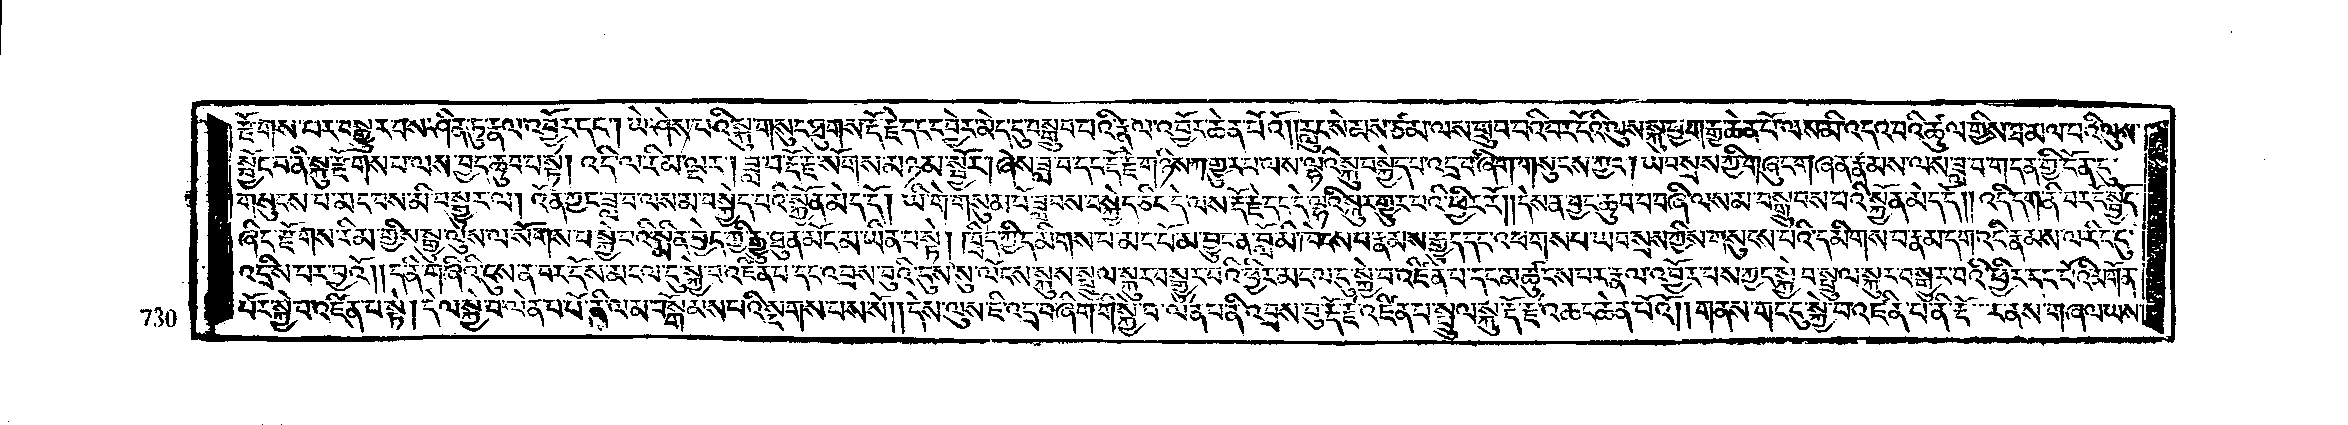རྫོགས་པར་བསྒྱུར་བས་ཤིན་ཏུ་རྣལ་འབྱོར་དང་། ཡེ་ཤེས་པའི་སྐུ་གསུང་ཐུགས་རྡོ་རྗེ་དང་དབྱེར་མེད་དུ་བསྒྲུབ་པའི་རྣལ་འབྱོར་ཆེན་པོའོ། །རླུང་སེམས་ཙམ་ལས་གྲུབ་པའི་བར་དོའི་ལུས་སྐུ་ཕྱག་རྒྱ་ཆེན་པོ་ལས་མི་འདའ་བའི་ཚུལ་གྱིས་ཐ་མལ་པའི་ལུས་
སྦྱོང་བ་ནི་སྐུ་རྫོགས་པ་ལས་བྱང་ཆུབ་པ་སྟེ། འདི་ལ་རིམ་ལྔར། ཟླ་བ་རྡོ་རྗེ་སོགས་མཉམ་སྦྱོར། ཞེས་ཟླ་བ་དང་རྡོ་རྗེ་གཉིས་ཀ་གྱུར་པ་ལས་ལྷའི་སྐུ་བསྐྱེད་པ་འདྲ་བ་ཞིག་གསུངས་ཀྱང་། ཡབ་སྲས་ཀྱི་གཞུང་གཞན་རྣམས་ལས་ཟླ་བ་གདན་གྱི་དོན་དུ་
གསུངས་པ་མང་བས་མི་བསྒྱུར་ལ། འོན་ཀྱང་ཟླ་བ་ལས་མ་བསྐྱེད་པའི་སྐྱོན་མེད་དོ། ཡི་གེ་གསུམ་པོ་ཟླ་བས་བསྐྱེད་ཅིང་དེ་ལས་རྡོ་རྗེ་དང་དེ་ལྷའི་སྐུར་གྱུར་པའི་ཕྱིར་རོ། །དེས་ན་བྱང་ཆུབ་པ་བཞི་ལས་མ་བསྒྲུབས་པའི་སྐྱོན་མེད་དོ། །འདི་དག་ནི་བར་དོ་སྦྱོང་
ཞིང་རྫོགས་རིམ་གྱིས་སྒྱུ་ལུས་ལ་སོགས་པ་སྐྱེ་པའི་སྨིན་བྱེད་ཀྱི་རྒྱུ་ཐུན་མོང་མ་ཡིན་པ་སྟེ། ཁྲིད་ཀྱི་དམིགས་པ་མང་པོ་མ་བྱུང་ན་བློ་མི་ཁེངས་པ་རྣམས་རྒྱུད་དང་འཕགས་པ་ཡབ་སྲས་ཀྱིས་གསུངས་པའི་དམིགས་པ་རྣམ་དག་འདི་རྣམས་ལ་རིང་དུ་
འདྲིས་པར་བྱའོ། །ད་ནི་གཞིའི་དུས་ན་བར་དོས་མངལ་དུ་སྐྱེ་བ་འཛིན་པ་དང་འབྲས་བུའི་དུས་སུ་ལོངས་སྐུས་སྤྲུལ་སྐུར་བསྒྱུར་བའི་ཕྱིར་མངལ་དུ་སྐྱེ་བ་འཛིན་པ་དང་མཚུངས་པར་རྣལ་འབྱོར་པས་ཀྱང་སྐྱེ་བ་སྤྲུལ་སྐུར་བསྒྱུར་བའི་ཕྱིར་དང་པོའི་མགོན་
པོར་སྐྱེ་བ་འཛིན་པ་སྟེ། དེ་ལ་སྐྱེ་བ་ལེན་པ་པོ་ནི་ལམ་བསྒོམས་པའི་སྔགས་པས་སོ། །དེས་ལུས་ཇི་འདྲ་བ་ཞིག་གི་སྐྱེ་བ་ལེན་པ་ནི་འབྲས་བུ་རྡོ་རྗེ་འཛིན་པ་སྤྲུལ་སྐུ་རྡོ་རྗེ་འཆང་ཆེན་པོའོ། །གནས་གང་དུ་སྐྱེ་བ་འཛིན་པ་ནི་རྡོར་ནས་གཞལ་ཡས་